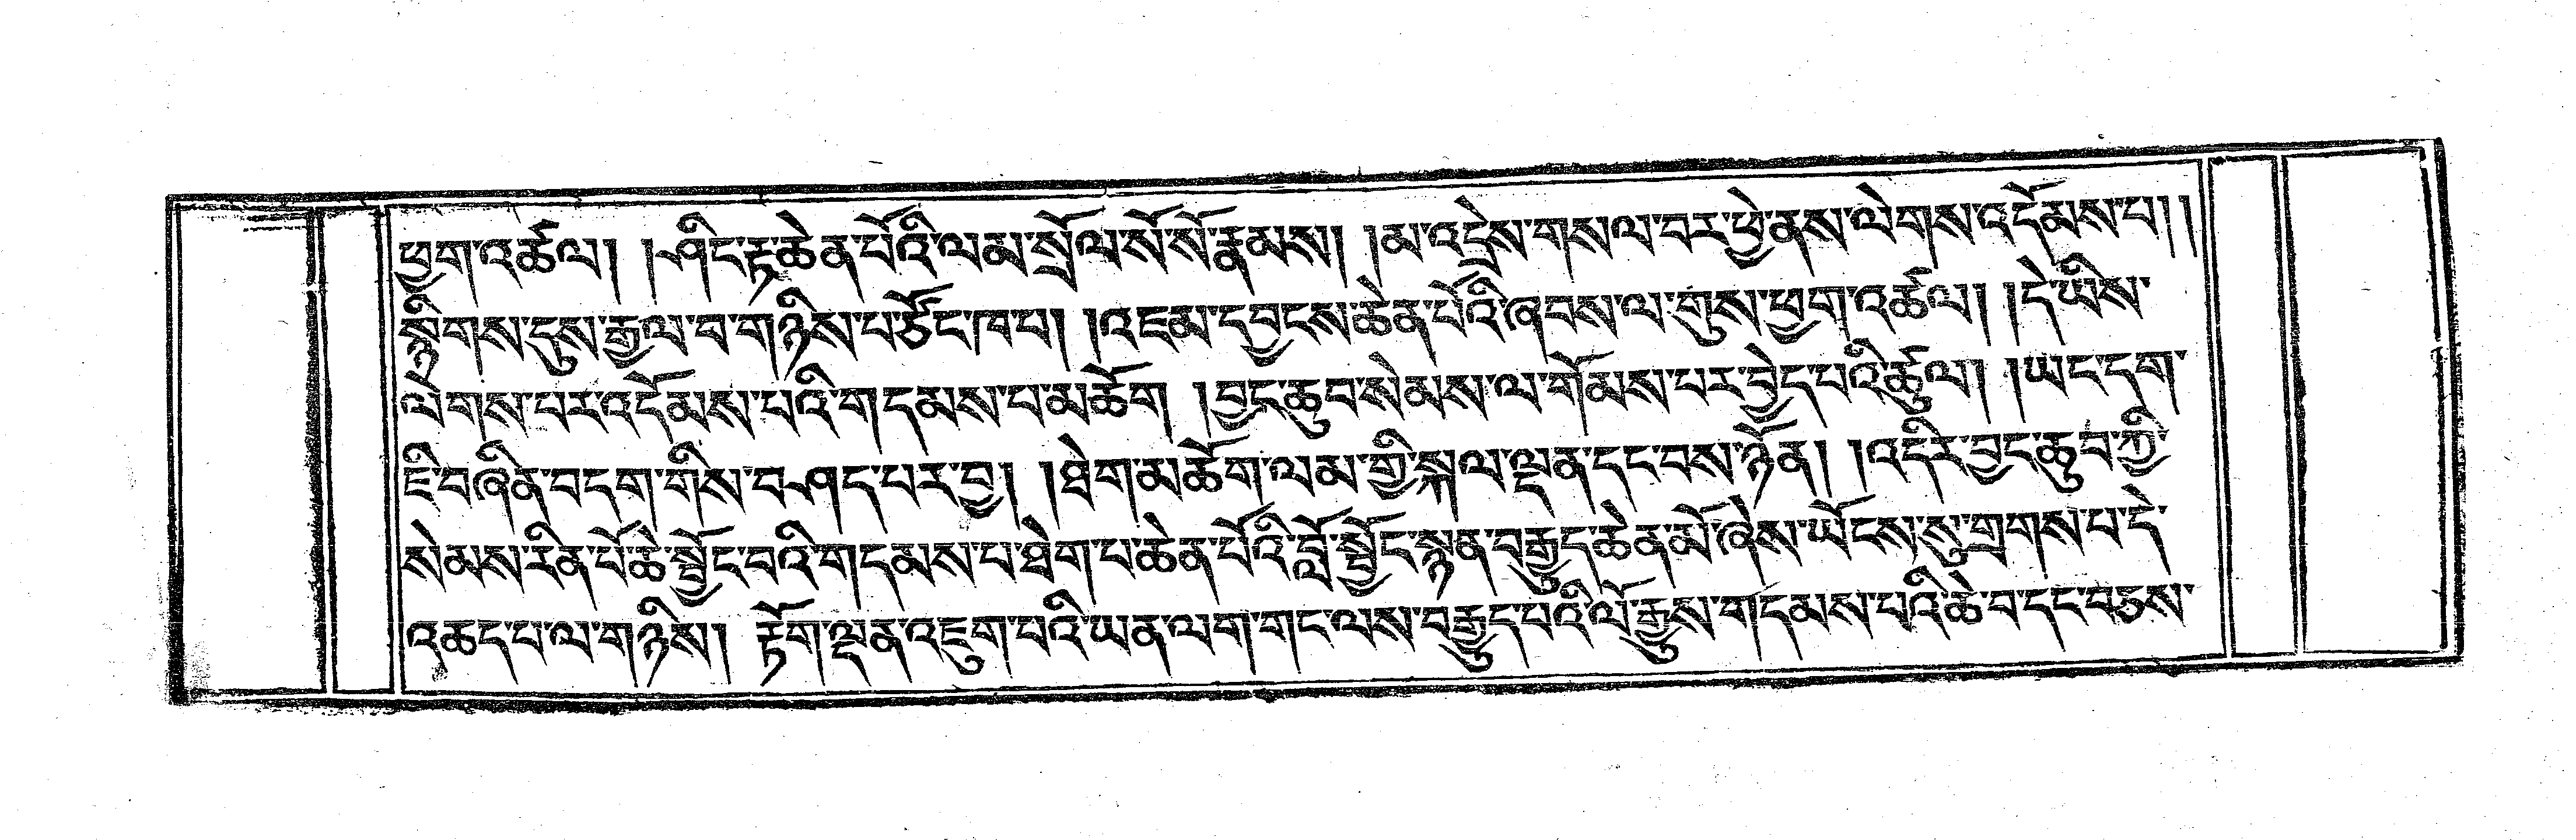ཕྱག་འཚལ། །ཤིང་རྟ་ཆེན་པོའི་ལམ་སྲོལ་སོ་སོ་རྣམས། །མ་འདྲེས་གསལ་བར་ཕྱེ་ནས་ལེགས་འདོམས་པ། །
སྙིགས་དུས་རྒྱལ་བ་གཉིས་པ་ཙོང་ཁ་པ། །འཇམ་དབྱངས་ཆེན་པོའི་ཞབས་ལ་གུས་ཕྱག་འཚལ། །དེ་ཡིས་
ལེགས་པར་འདོམས་པའི་གདམས་པ་མཆོག །བྱང་ཆུབ་སེམས་ལ་གོམས་པར་བྱེད་པའི་ཚུལ། །ཡང་དག་
ཇི་བཞིན་བདག་གིས་བཤད་པར་བྱ། །ཐེག་མཆོག་ལམ་གྱི་སྐལ་ལྡན་དང་བས་ཉོན། །འདིར་བྱང་ཆུབ་ཀྱི་
སེམས་རིན་པོ་ཆེ་སྦྱོང་བའི་གདམས་པ་ཐེག་པ་ཆེན་པོའི་བློ་སྦྱོང་སྙན་བརྒྱུད་ཆེན་མོ་ཞེས་ཡོངས་སུ་གྲགས་པ་དེ་
འཆད་པ་ལ་གཉིས། རྟོག་ལྡན་འཇུག་པའི་ཡན་ལག་གང་ལས་བརྒྱུད་པའི་ལོ་རྒྱུས་གདམས་པའི་ཆེ་བ་དང་བཅས་